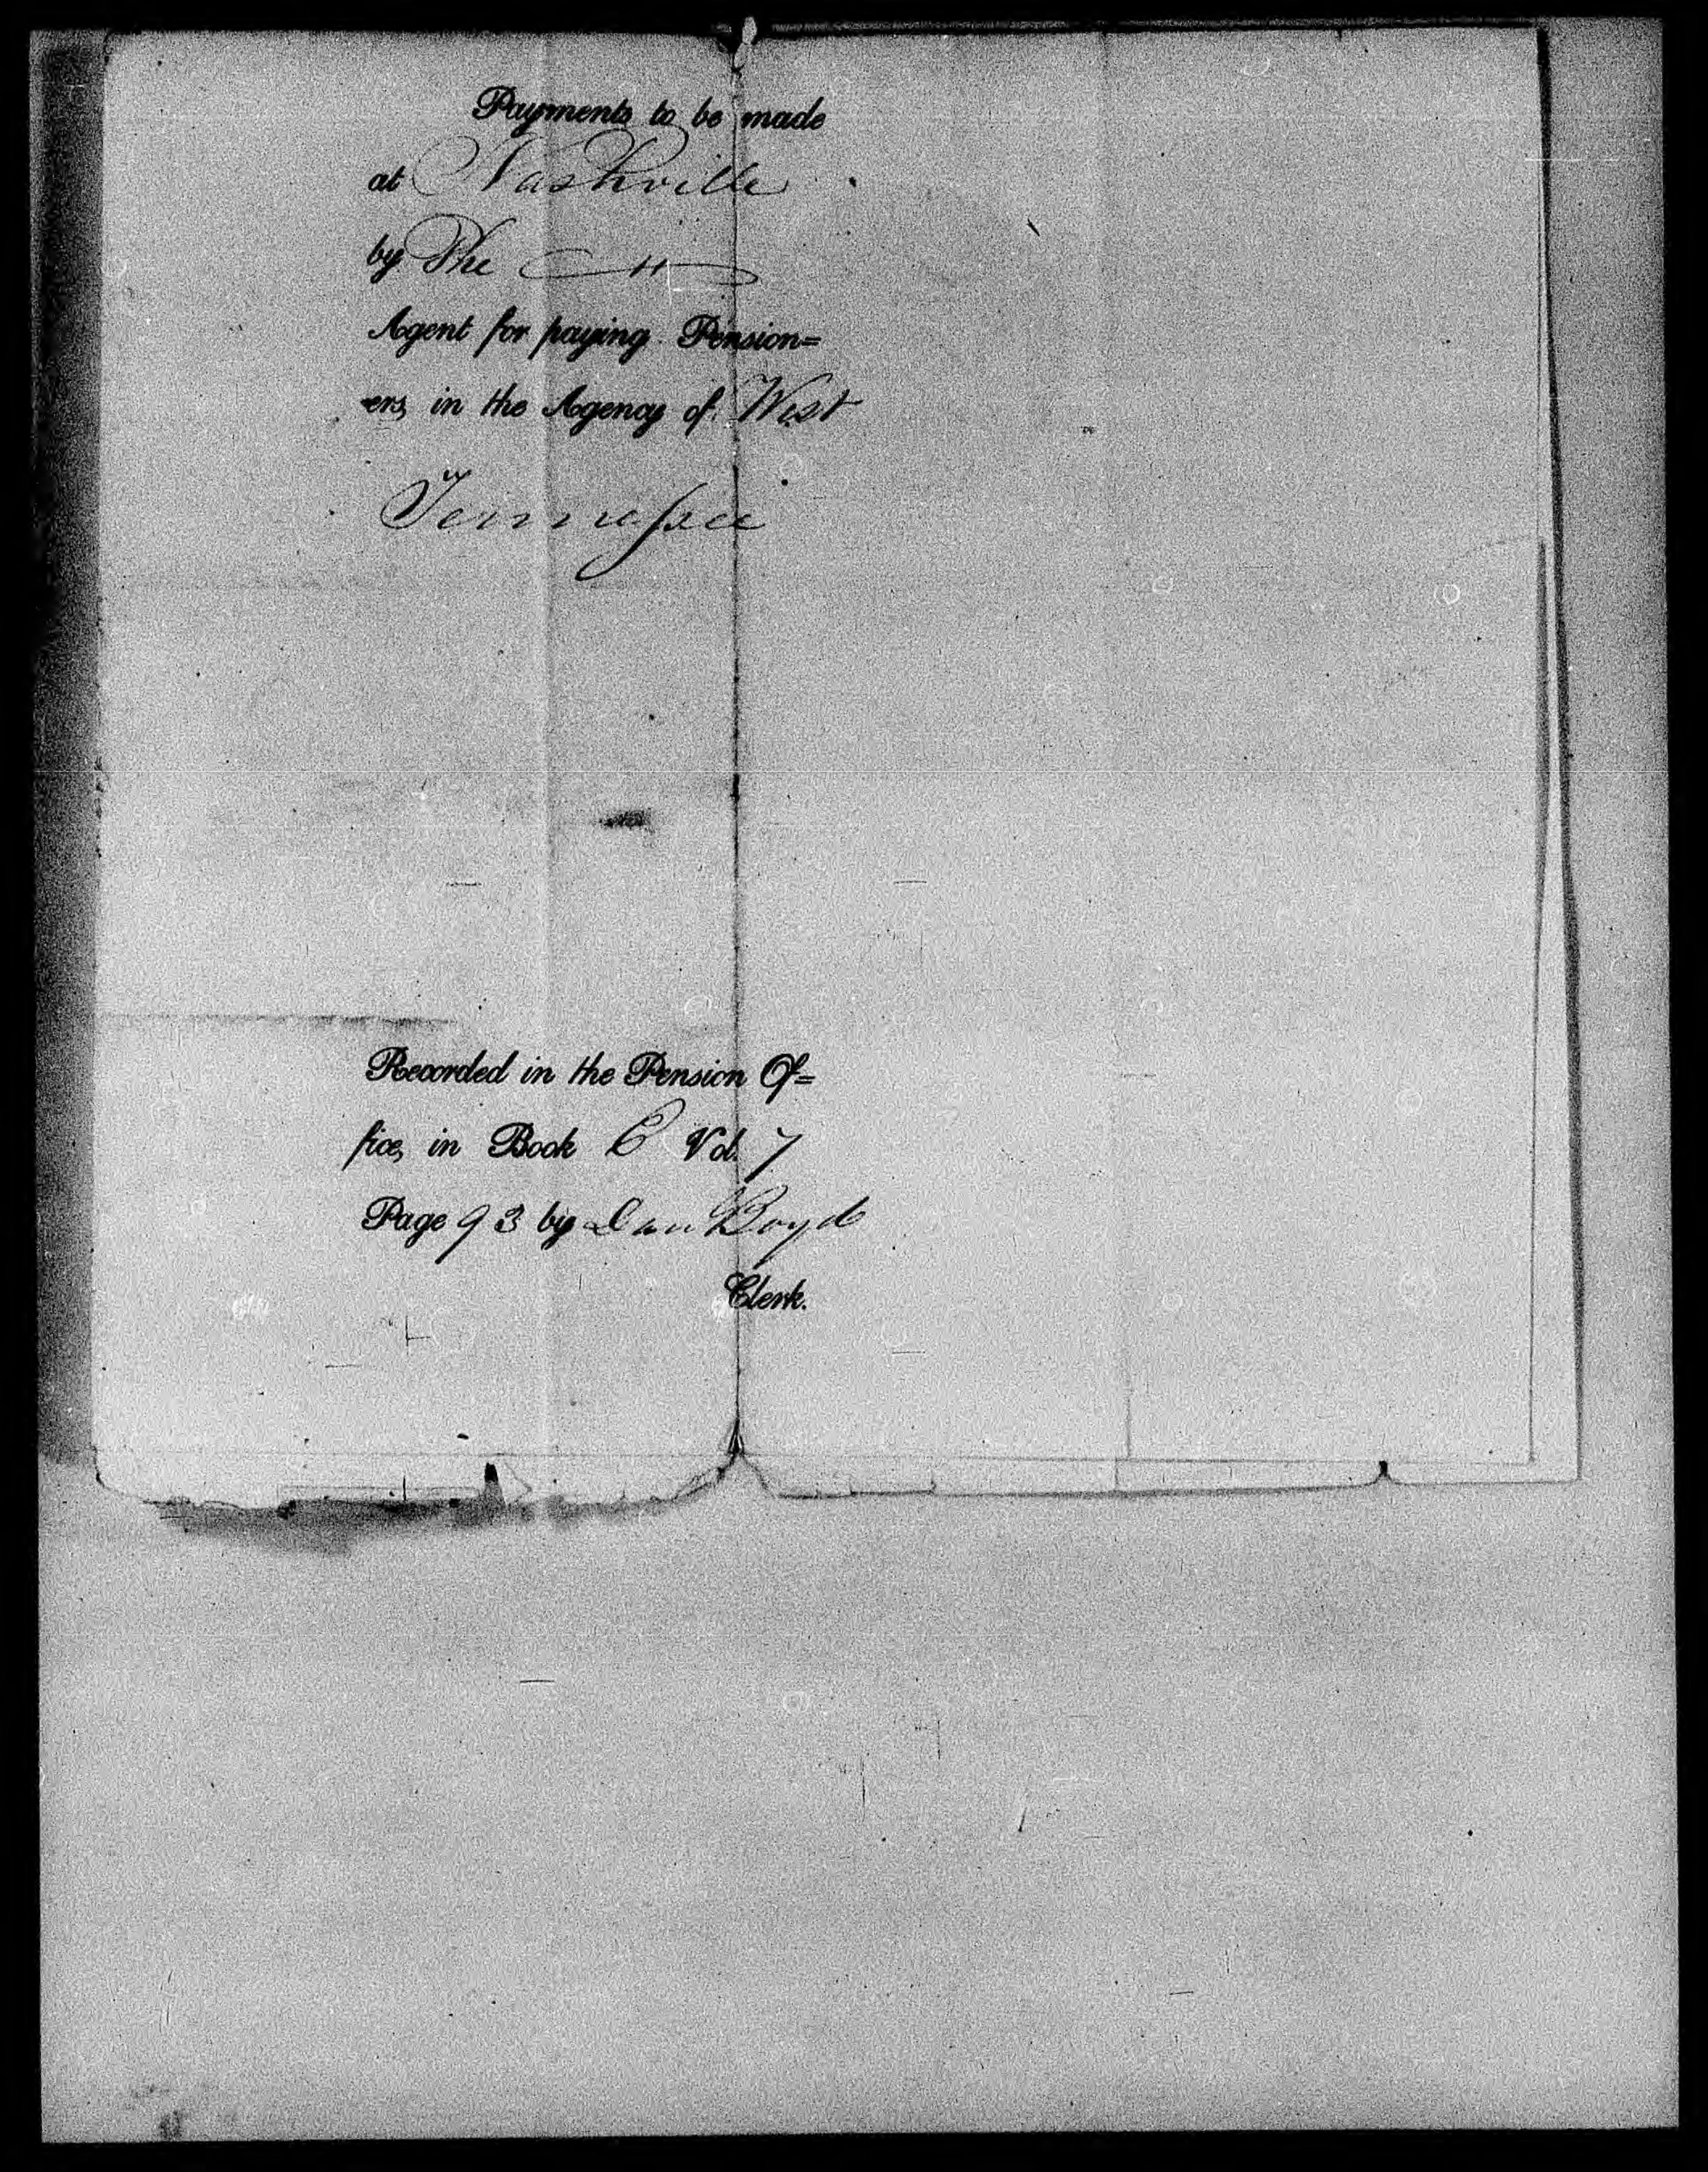Payments to be made at Nashville by the Agent for paying Pensioners in the Agency of West Tennessee

Recorded in the Pension Office in Book C Vol 7 Page 93 by Dan Boyd Clerk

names: Danl Boyd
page: 94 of 115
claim: widow's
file: W. 1446, for John Mc Clung, South Carolina